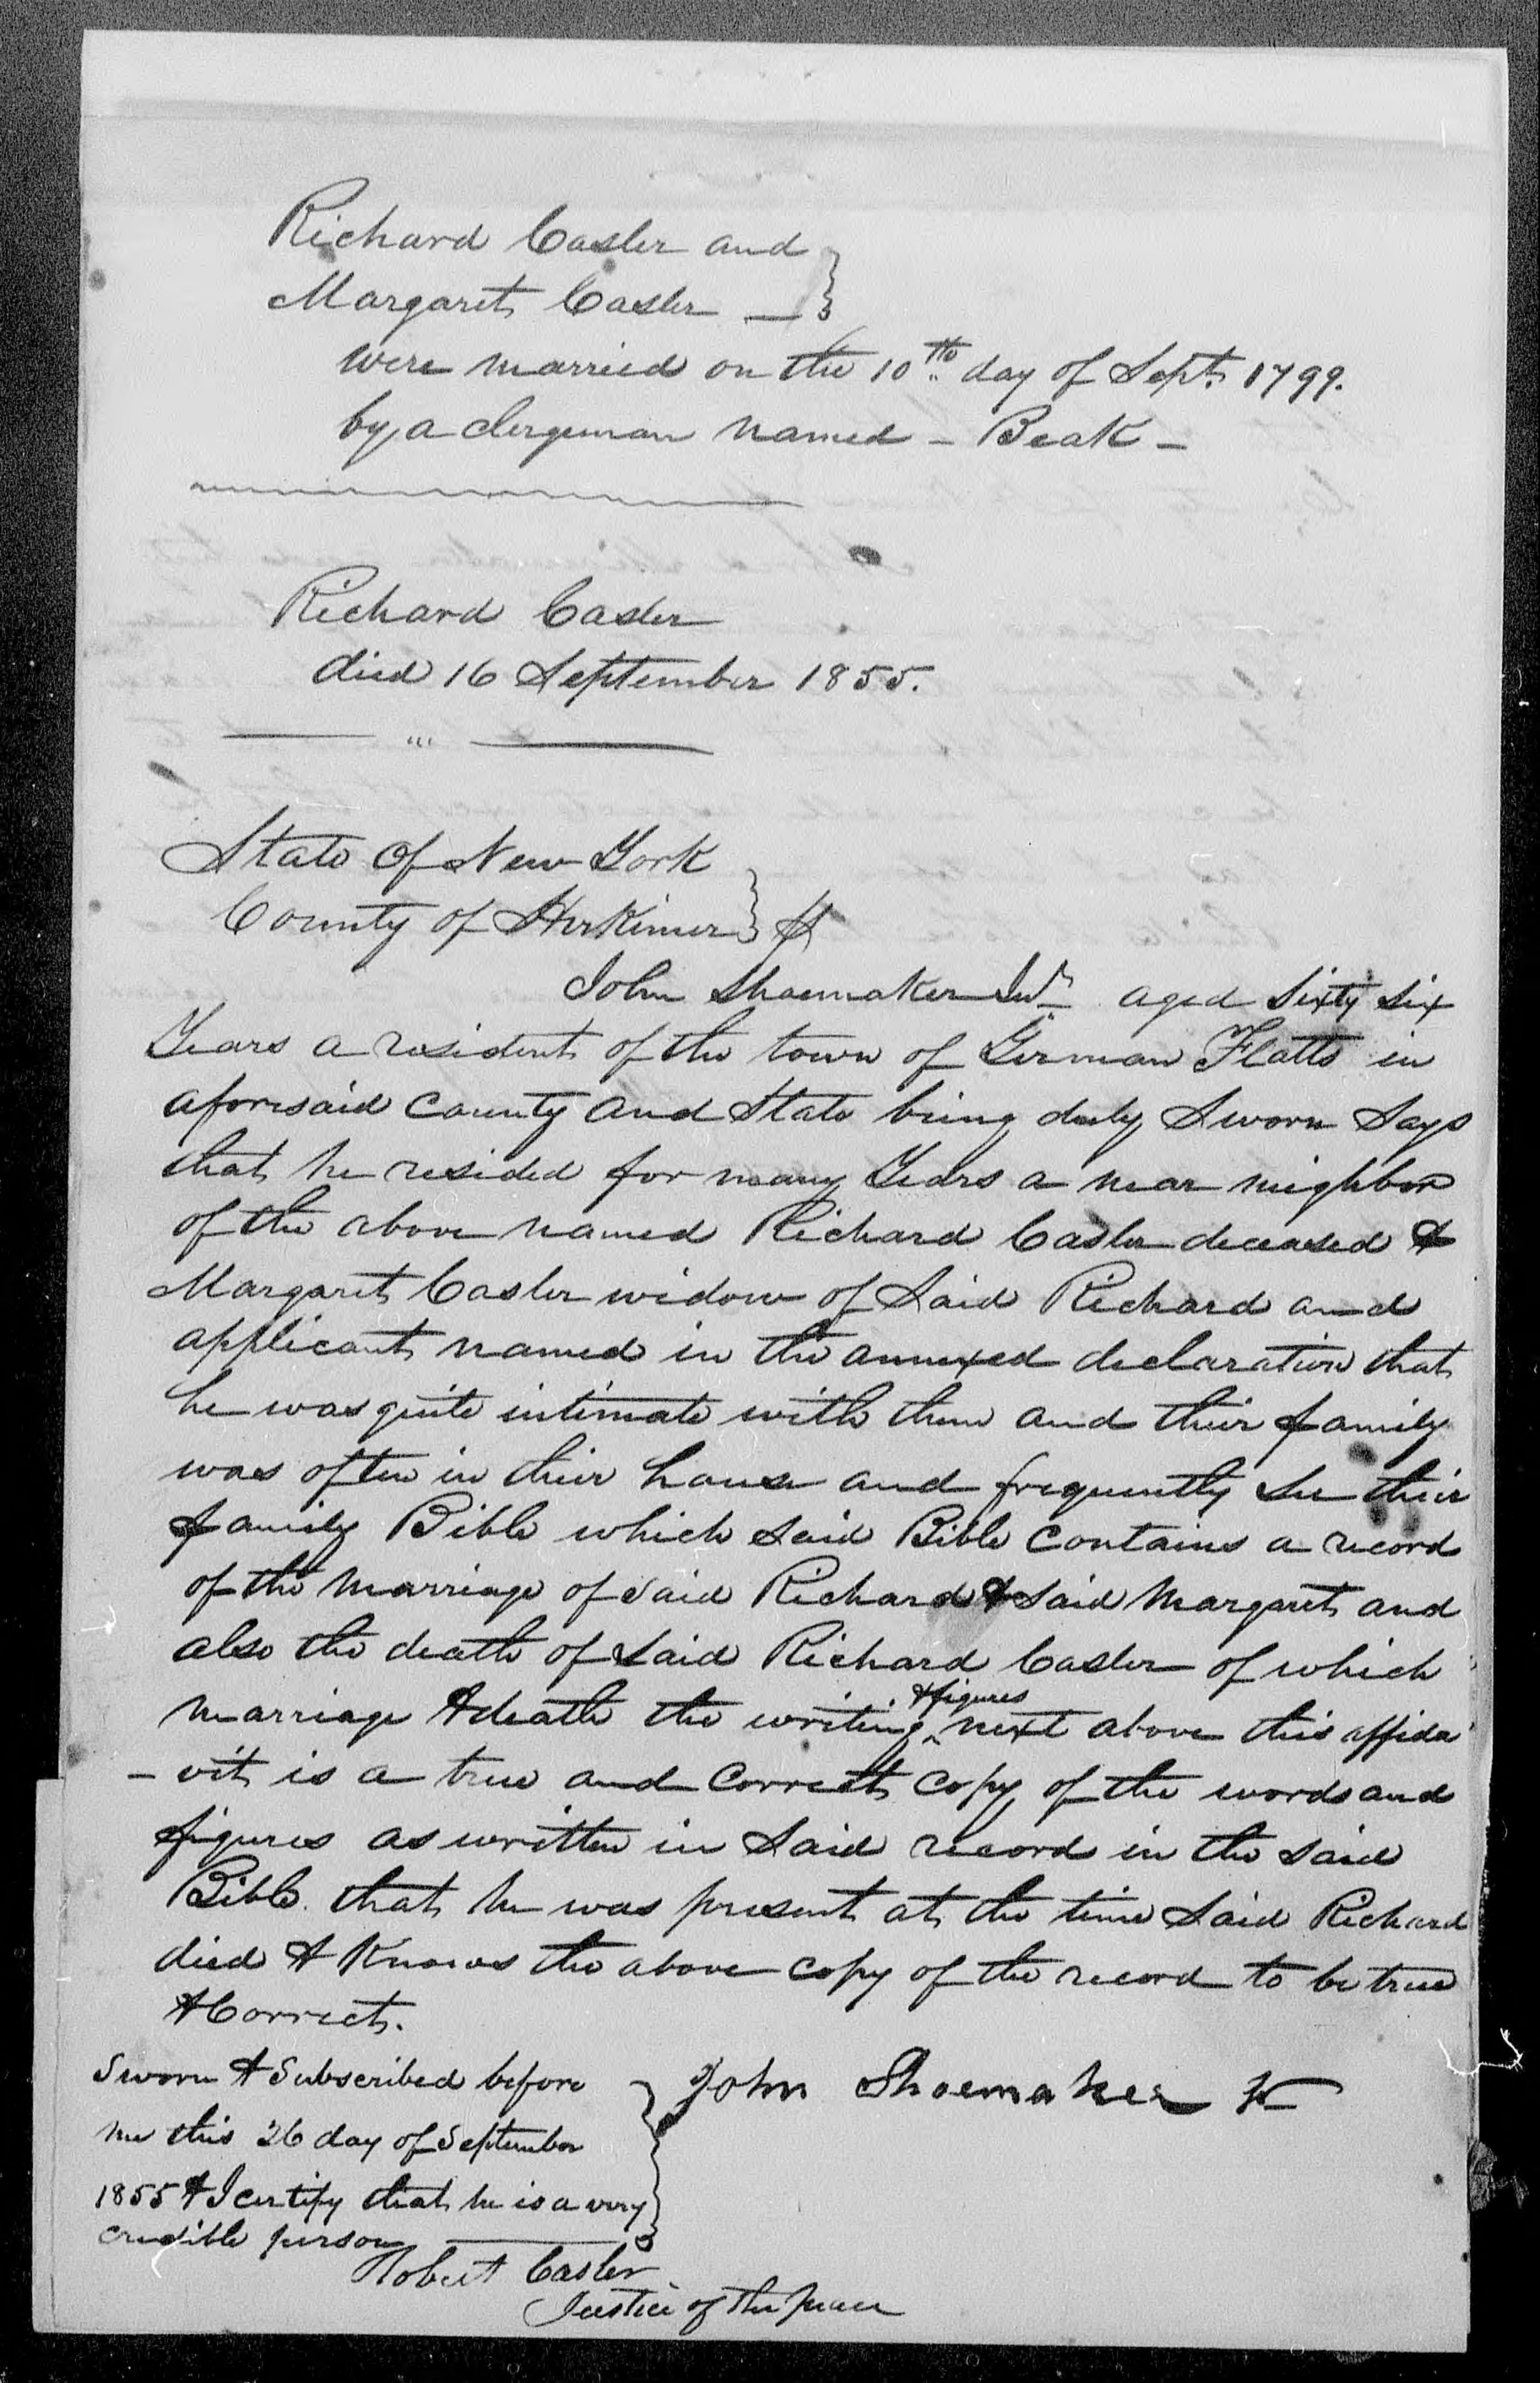Richard Casler and Margaret Casler were married on the 10th day of Sept 1799. by a clergiman named – Beak – 
Richard Casler died 16 September 1855. 

State of New York 
County of Herkimer } ss
John Shoemaker Jnr aged sixty six years a resident of the town of German Flatts in aforesaid county and state being duly sworn says that he resided for many years a near neighbor of the above named Richard Casler deceased & Margaret Casler widow of said Richard and applicants named in the annexed declaration that he was quite intimate with them and their family was often in their house and frequently see their family Bible which said Bible contains a record of the marriage of said Richard & said Margaret and also the death of said Richard Casler of which marriage & death the writing & figures next above this affidavit is a true and correct copy of the words and figures as written in said record in the said Bible. that he was present at the time said Richard died & knows the above copy of the record to be true & correct.
[signed] John Shoemaker Jr
Sworn & Subscribed before me this 26 day of September 1855 & I certify that he is a very credible person 
[signed] Robert Casler  Justice of the peace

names: Margaret Casler, Robert Casler, Margaret, John Shoemaker, Margaret Casler, Richard Casler, Richard Casler, Richard Casler, Richard, John Shoemaker, Richard, Richard, Richard Casler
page: 19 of 66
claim: widow's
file: W. 6637, Richard Caslar, New York